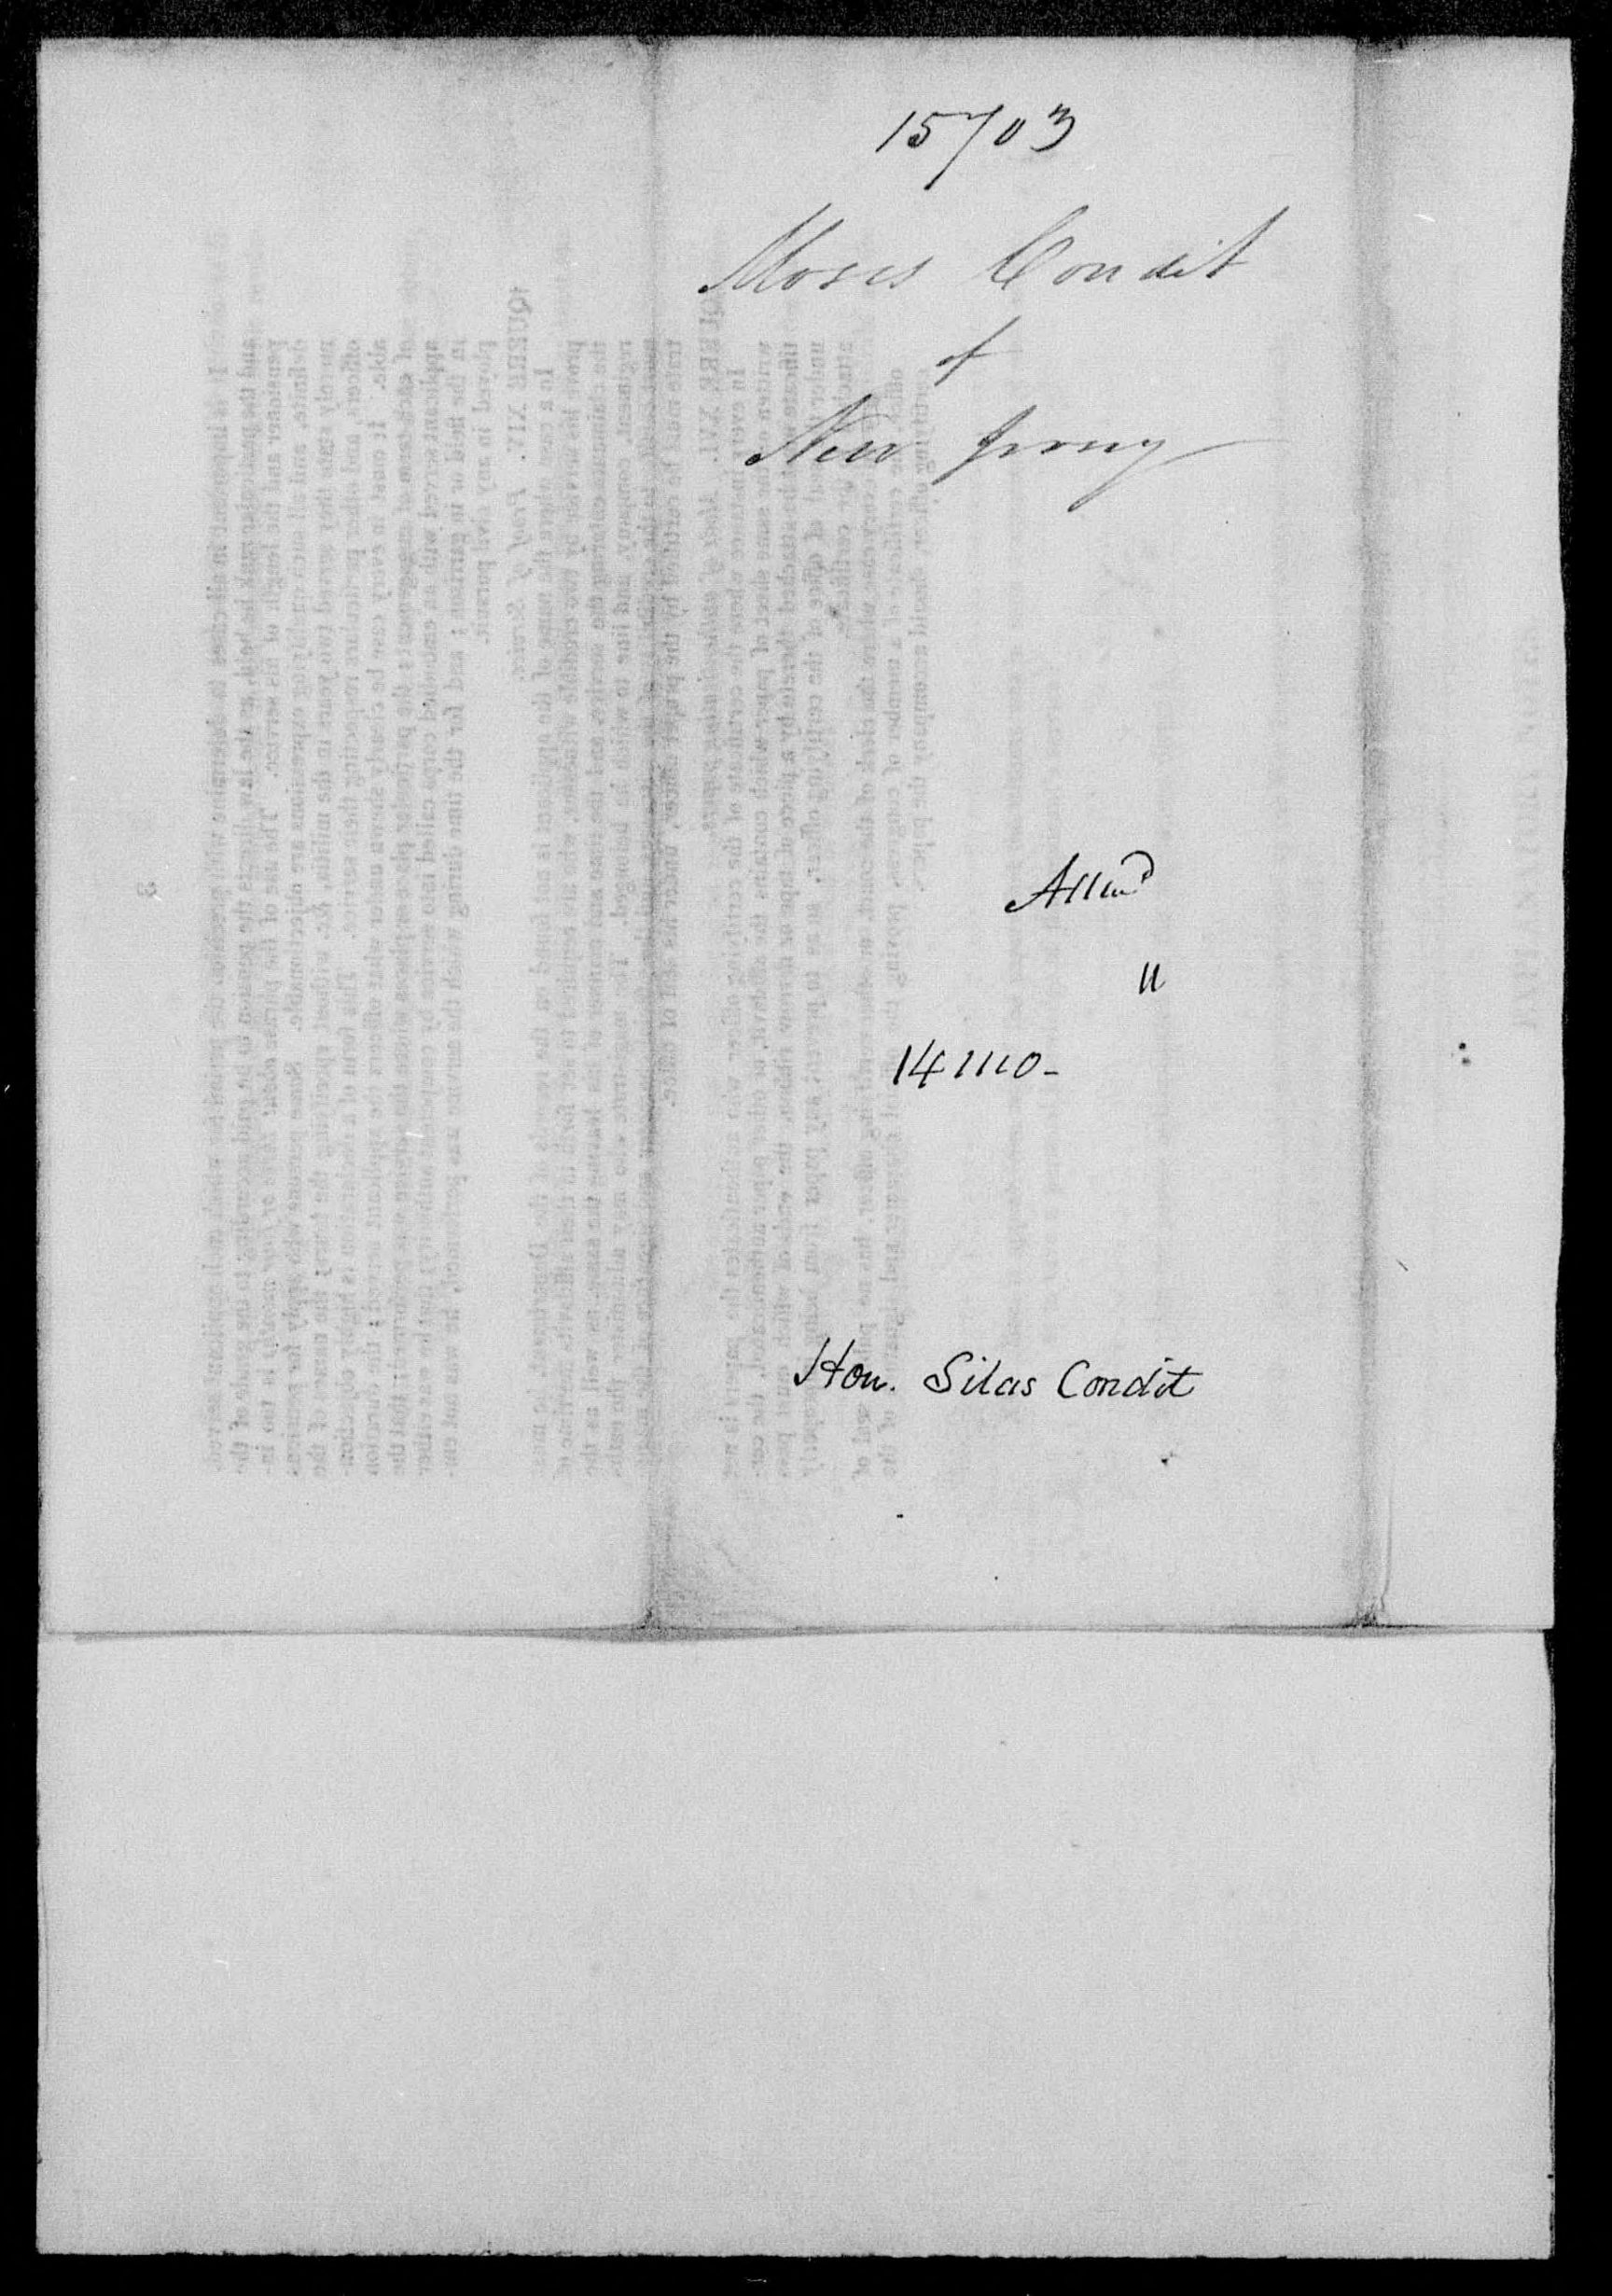15703
Moses Condit
of 
New Jersey
Attend
11

141110
Hon. Silas Condit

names: Moses Condit, Silas Condit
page: 15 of 23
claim: survivor's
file: S. 3212, Moses Condit, New Jersey